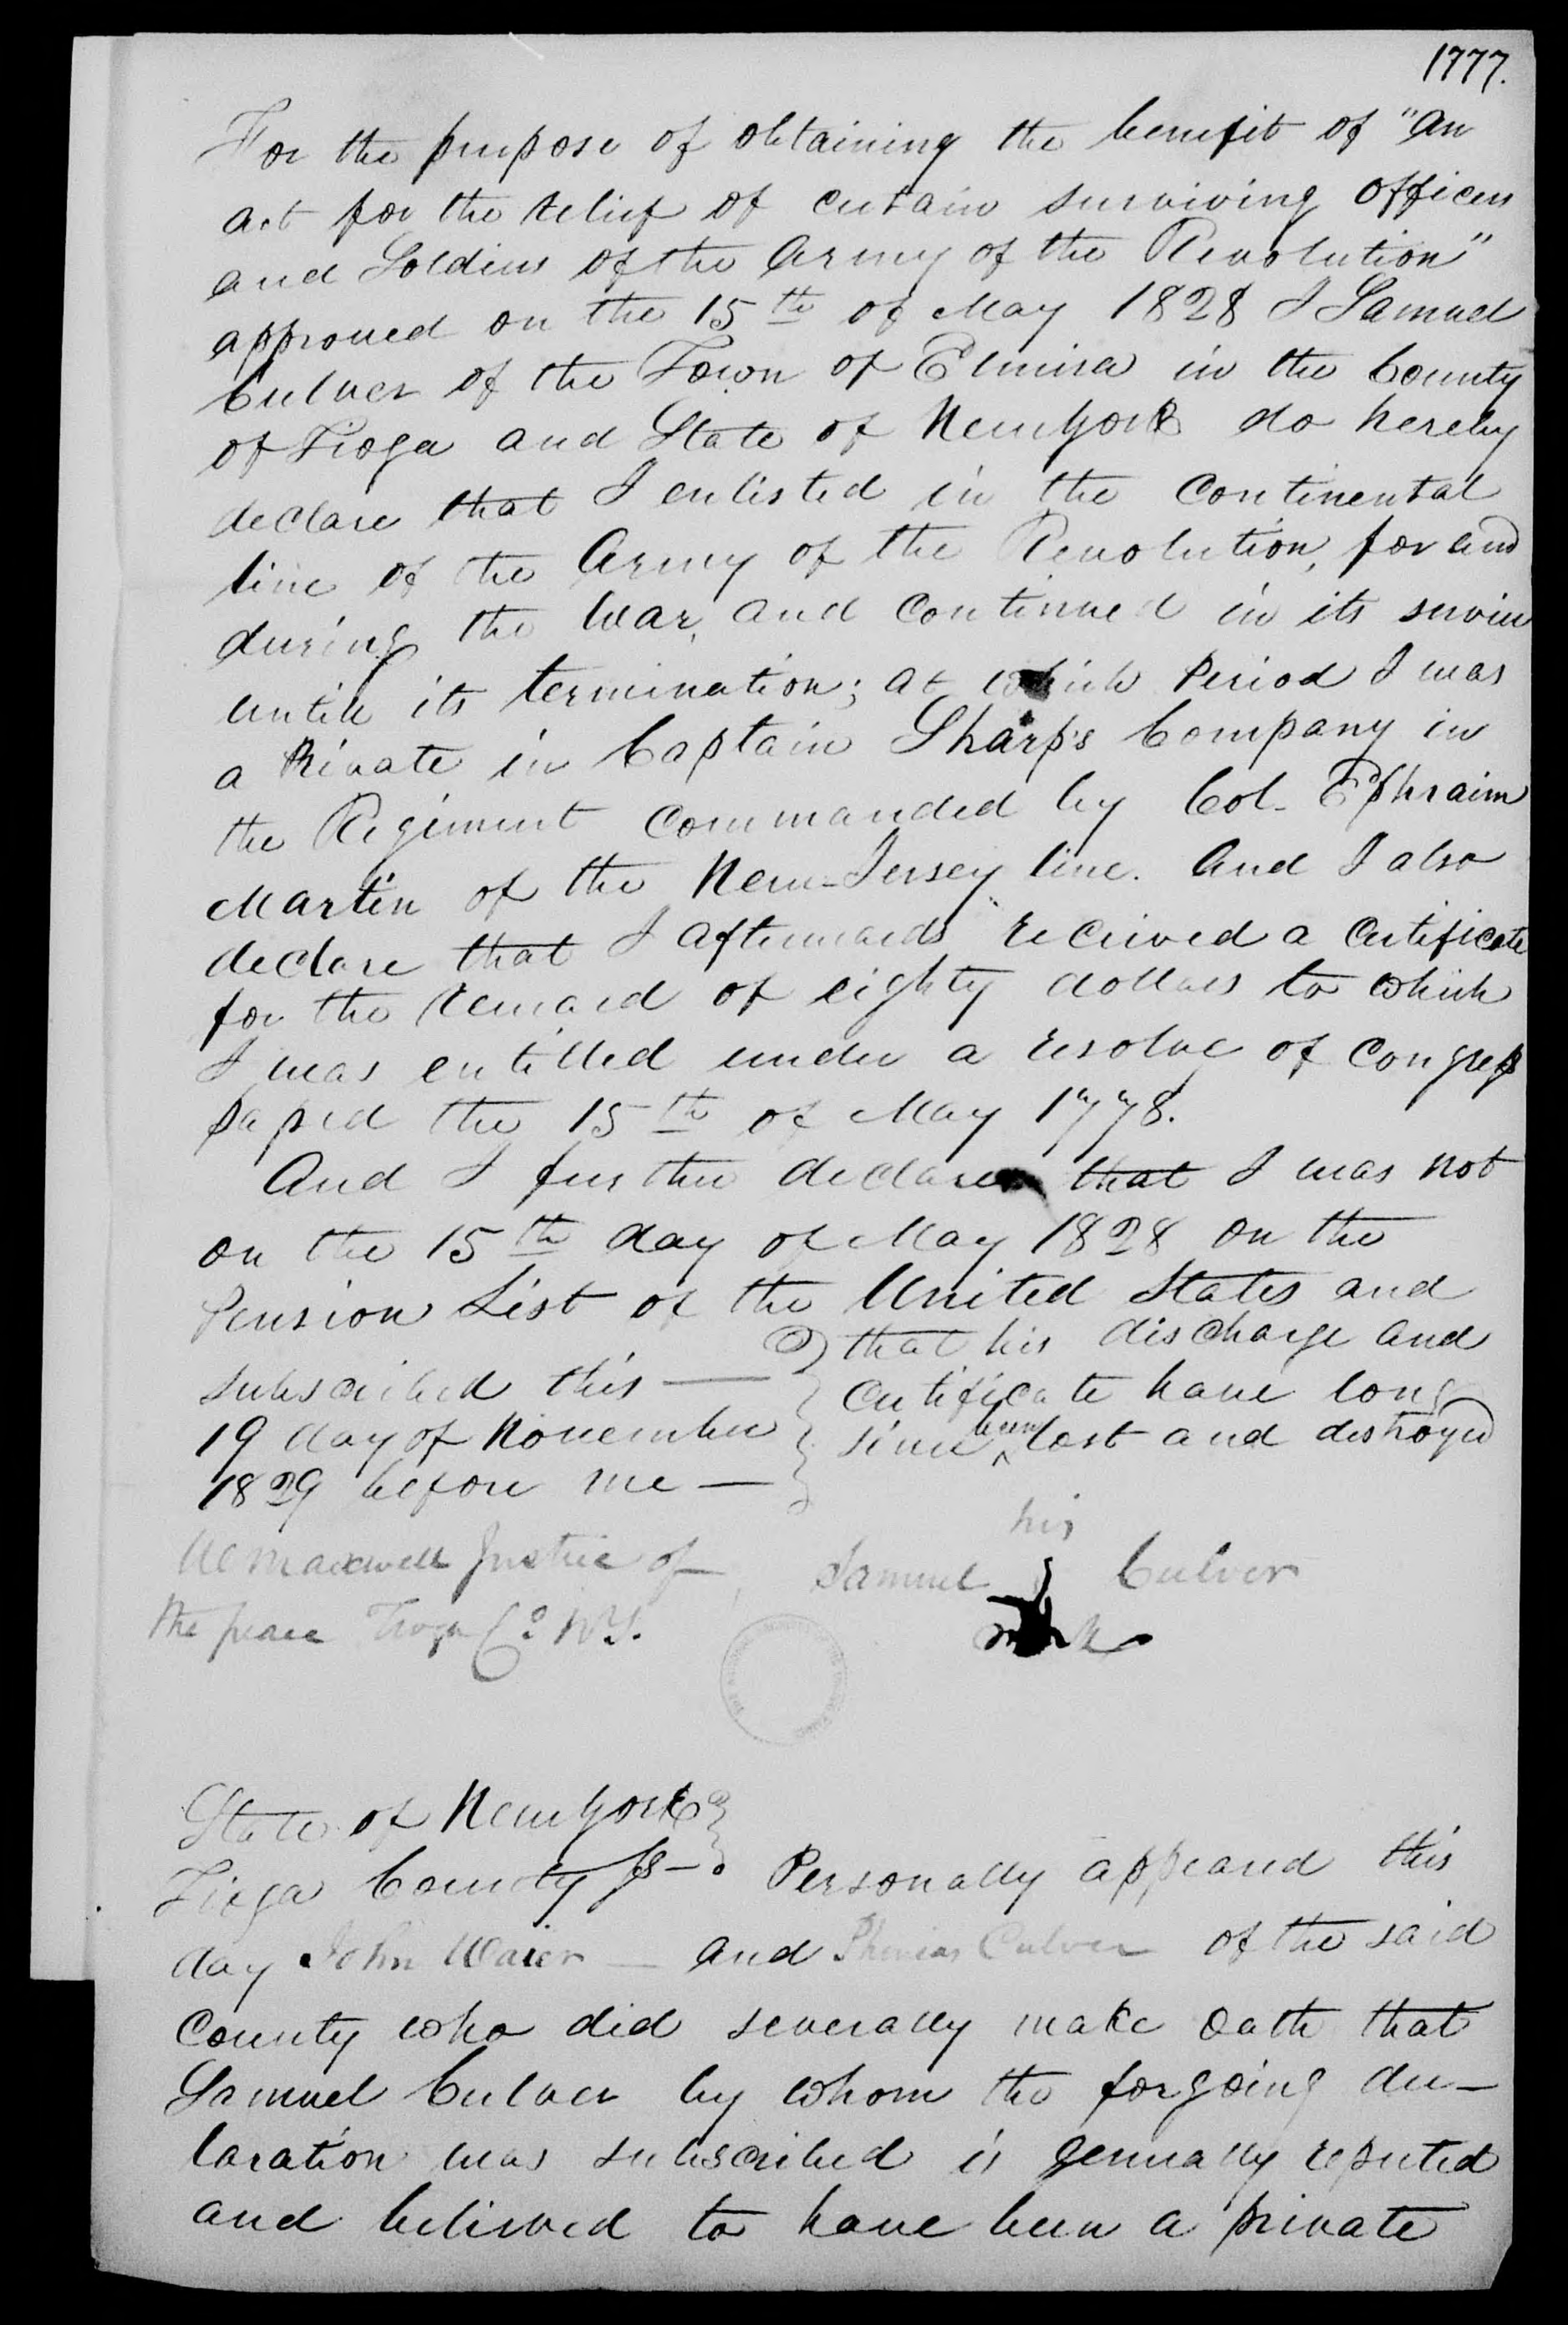1777.

For the purpose of obtaining the benefit of
“An act for the relief of certain surviving officers
and solders of the Army of the Revolution:
approved on the 15th of May 1828 I Samuel
Culver of the Town of Elmira in the County 
of Tioga and State of New York do hereby
declare that I enlisted in the Continental
line of the Army of the Revolution for and
during the War, and continued in its service
until its termination; at which Period I was 
a Private in Captain Sharp’s Company in 
the Regiment commanded by Col. Ephraim
Martin of the New Jersey line. And I also
declare that I afterwards received a certificate
for the reward of eighty dollars to which
I was entitled under a resolve of Congress
[illegible] the 15th of May 1778.

And I further declare that I was not
on the 15th day of May 1828 on the
Pension List of the United States and
that his discharge and certificate have long
since been lost and destroyed

his X Samuel Culver [signature]

Subscribed this –
19th day of November
1829 before me – 
W Maxwell [signature] Justice of
the peace Trioga C N.Y.

[stamp – The National Archives of the United States]

State of New York )
Tioga County ss.    )   Personally appears this
day John Waier  - and Phineas Culver of the said
County who did severally make oath that
Samuel Culver by who the foregoing dec-
laration was subscribed is generally reputed
and believe to have been a private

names: Ephraim Martin, Phineas Culver, John Waier, Samuel Culver, Samuel Culver, Samuel Culver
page: 33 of 40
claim: rejected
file: R. 1,570, Samuel Culver, New Jersey